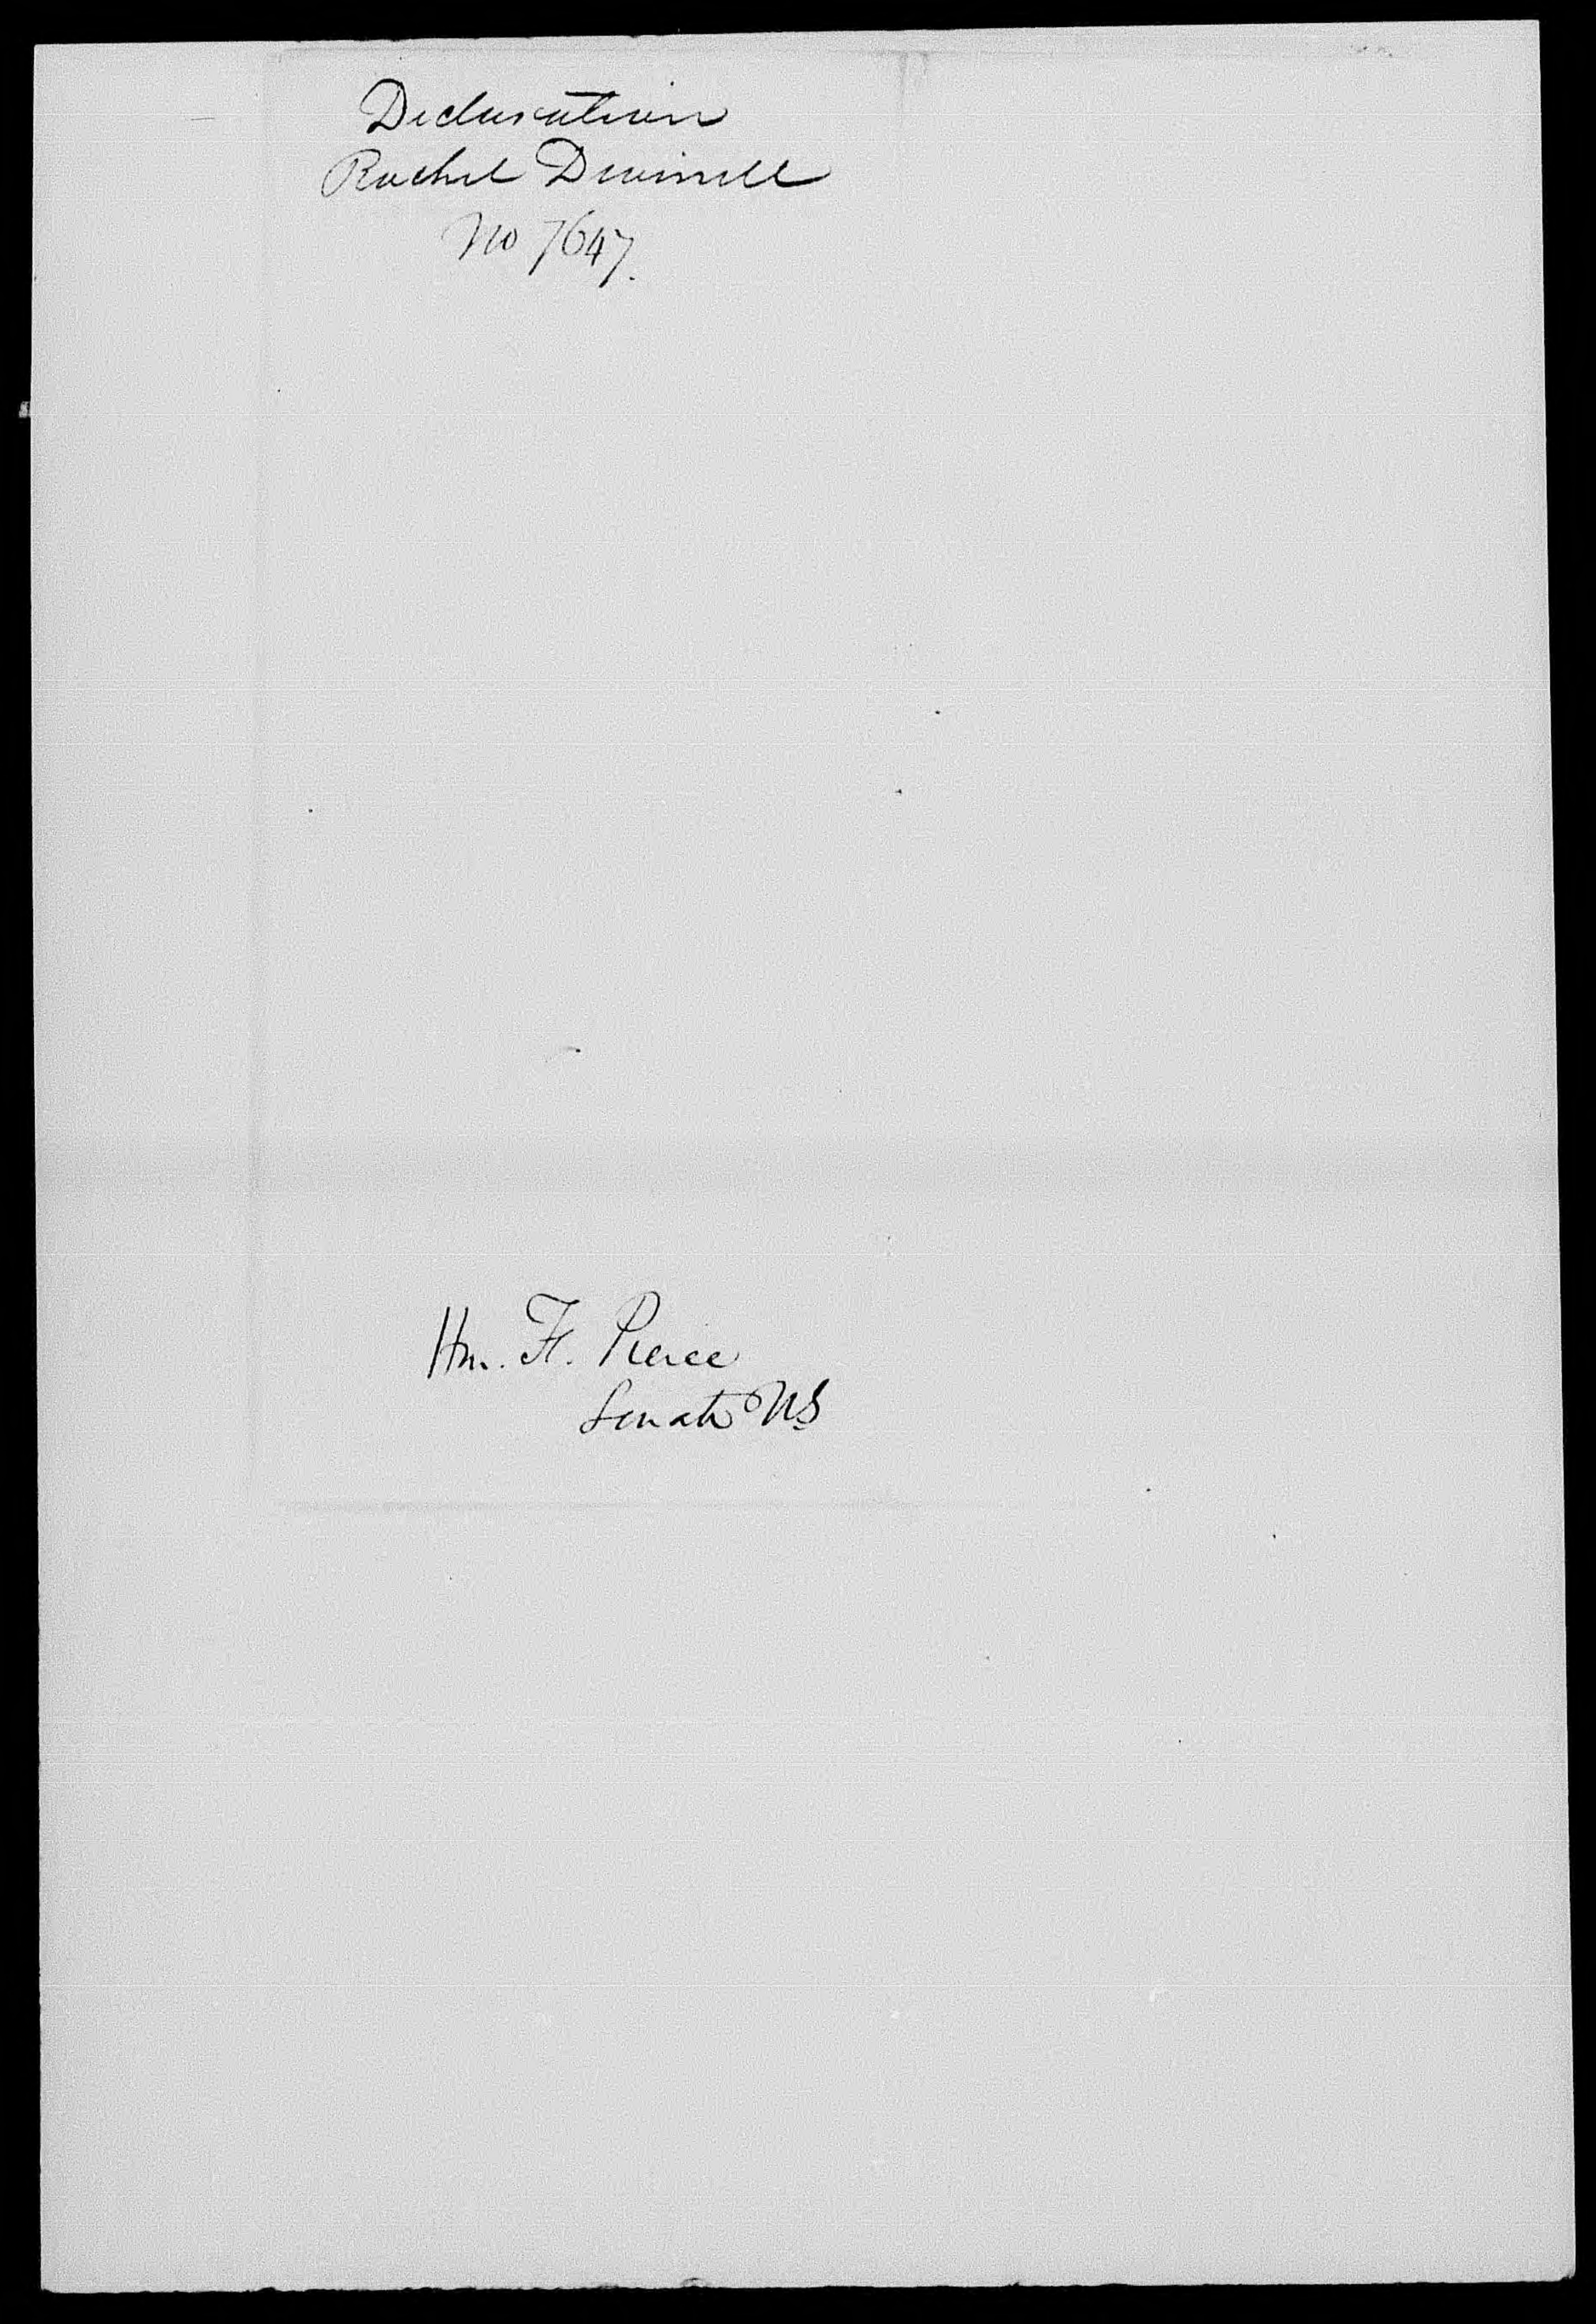Declaration
Rachel Dwinell
No 7647

Hn. F. Pierce
Senate US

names: Rachel Dwinell, F Pierce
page: 5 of 22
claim: widow's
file: W. 22984, John Dwinnell, Mass.